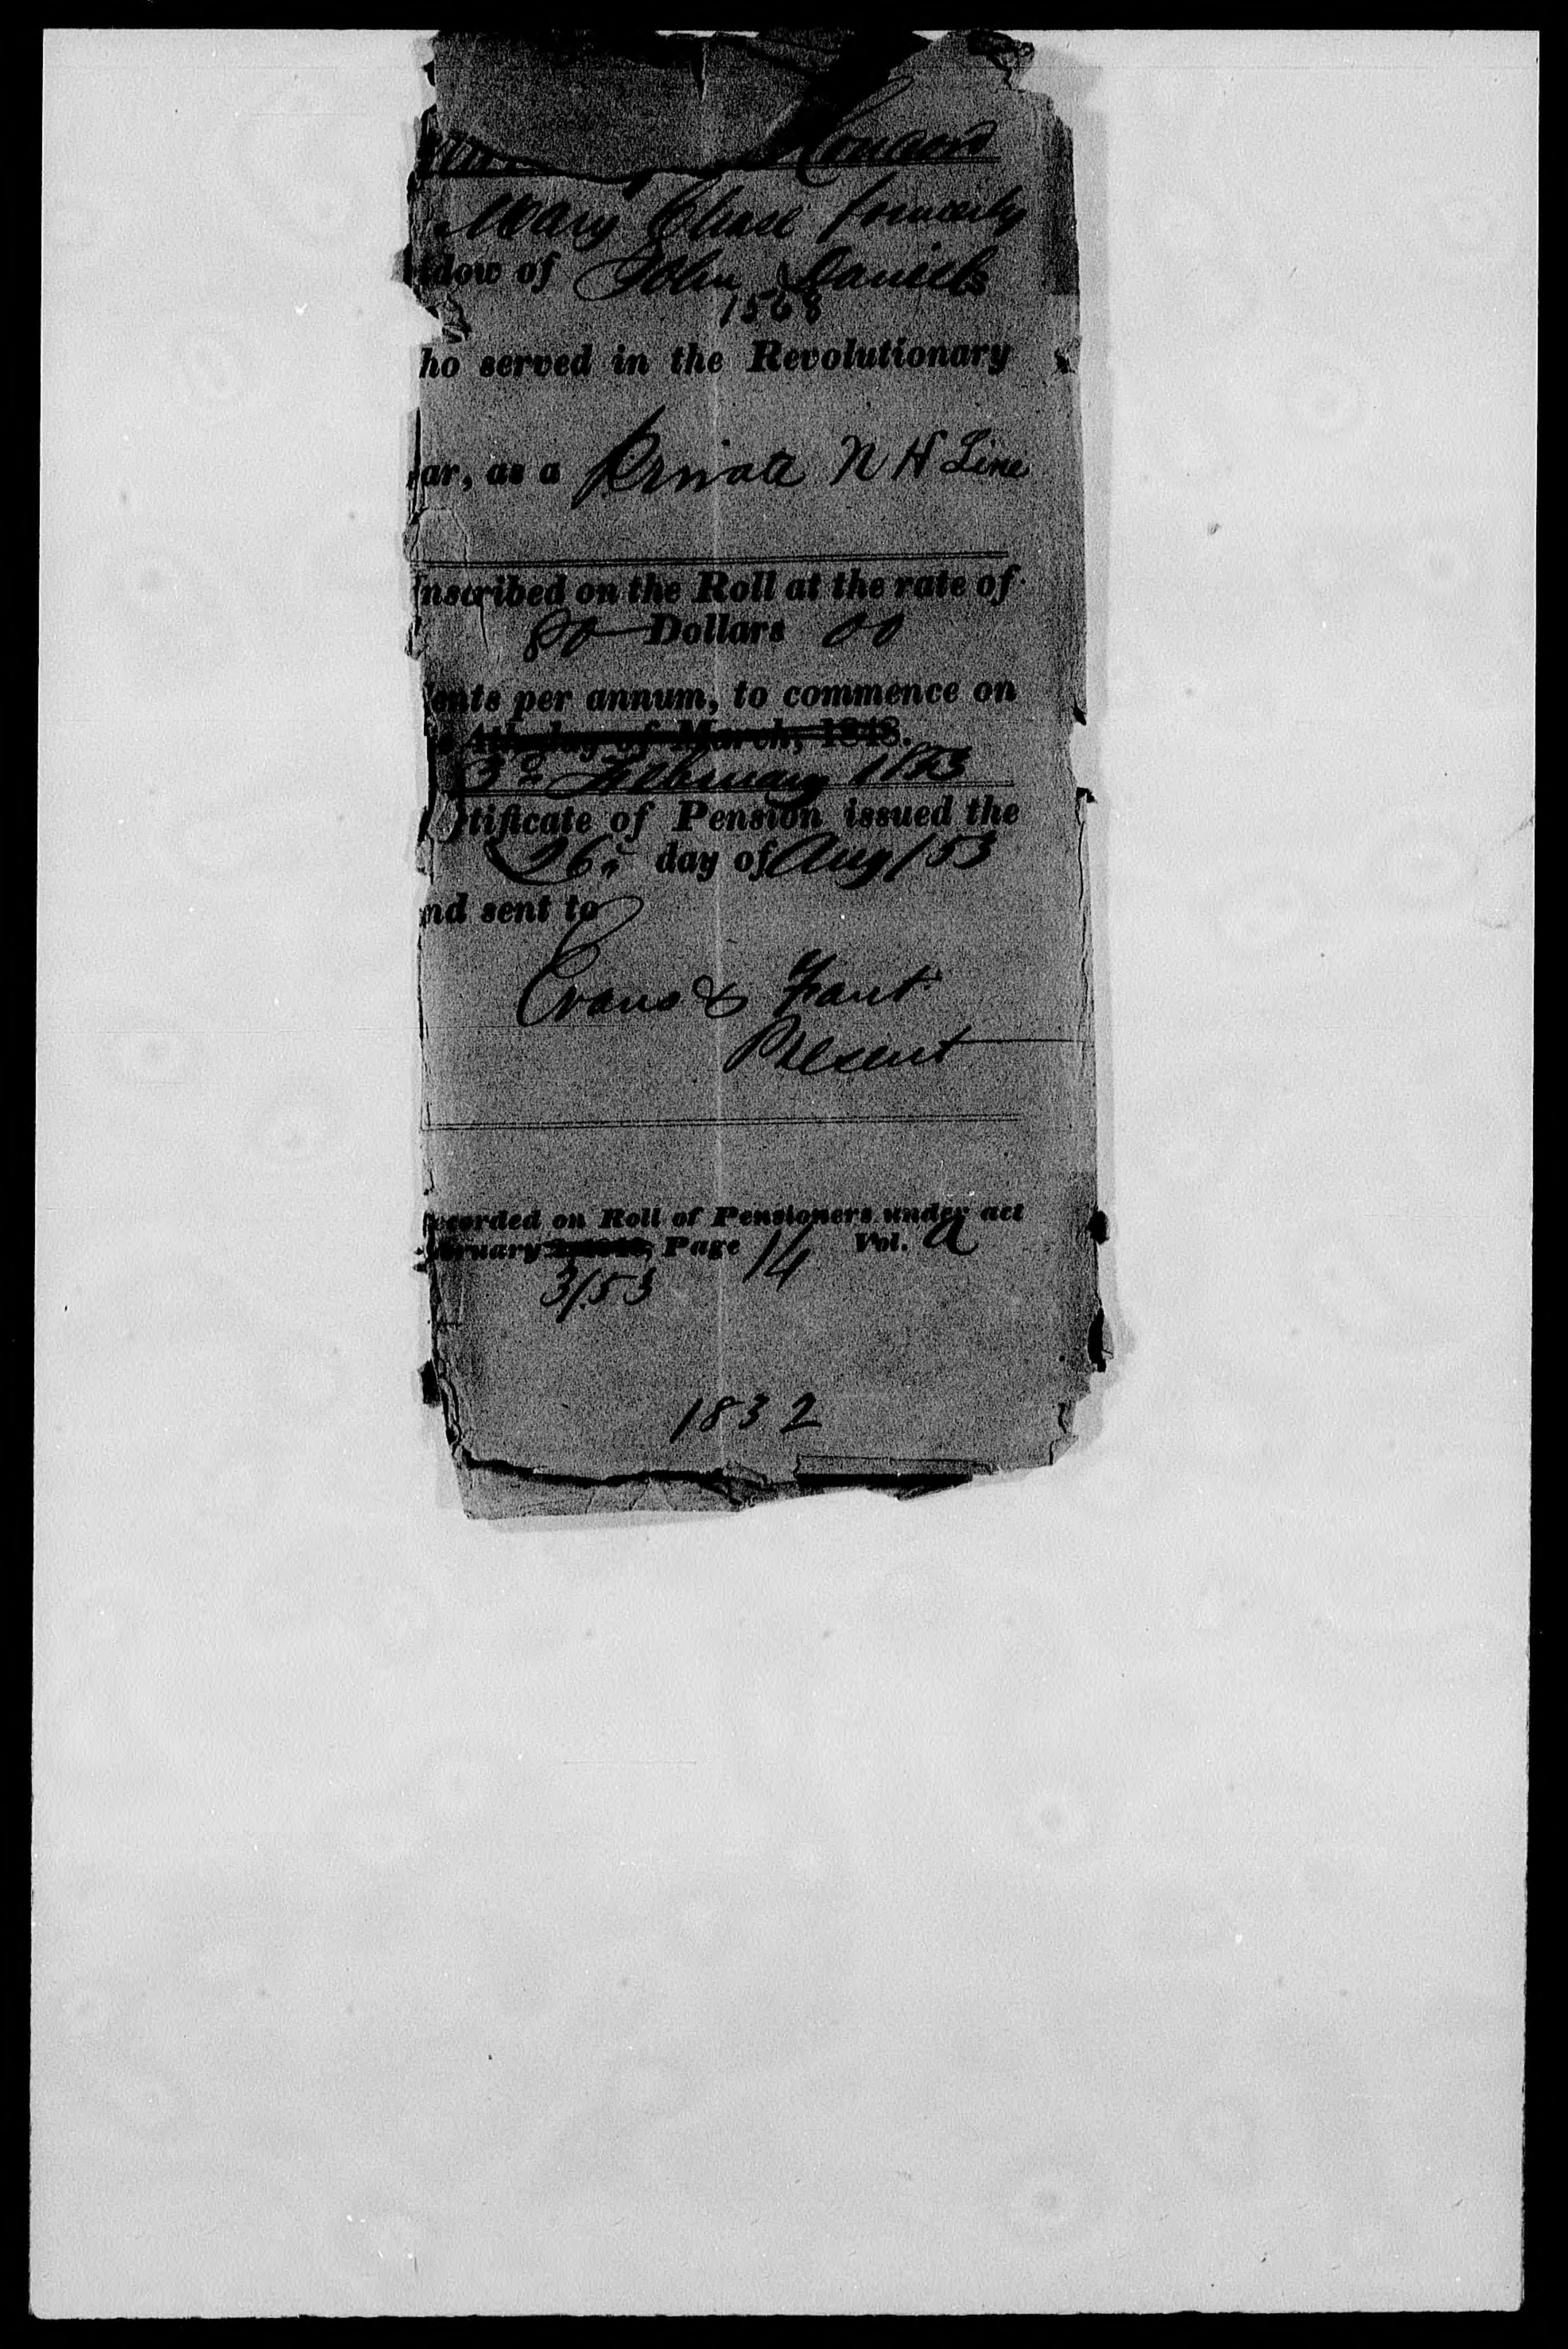[first line covered and illegible]

Mary Chase formerly widow of John Daniels
1568
who served in the Revolutionary War, as a Private N H Line

Inscribed on the Roll at the rate of 80 Dollars 00 cents per annum, to commence on [13th?] February 1853

Certificate of Pension issued the 26th day of Aug/53
and sent to Evans & Fant
[unknown]

Recorded on Roll of Pensioners under act February 3/53, Page 14  Vol. A

1832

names: John Daniels, Mary Chase, Evans, Fant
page: 5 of 43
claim: widow's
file: W 683, John Daniels, Continental Mass. N.H.